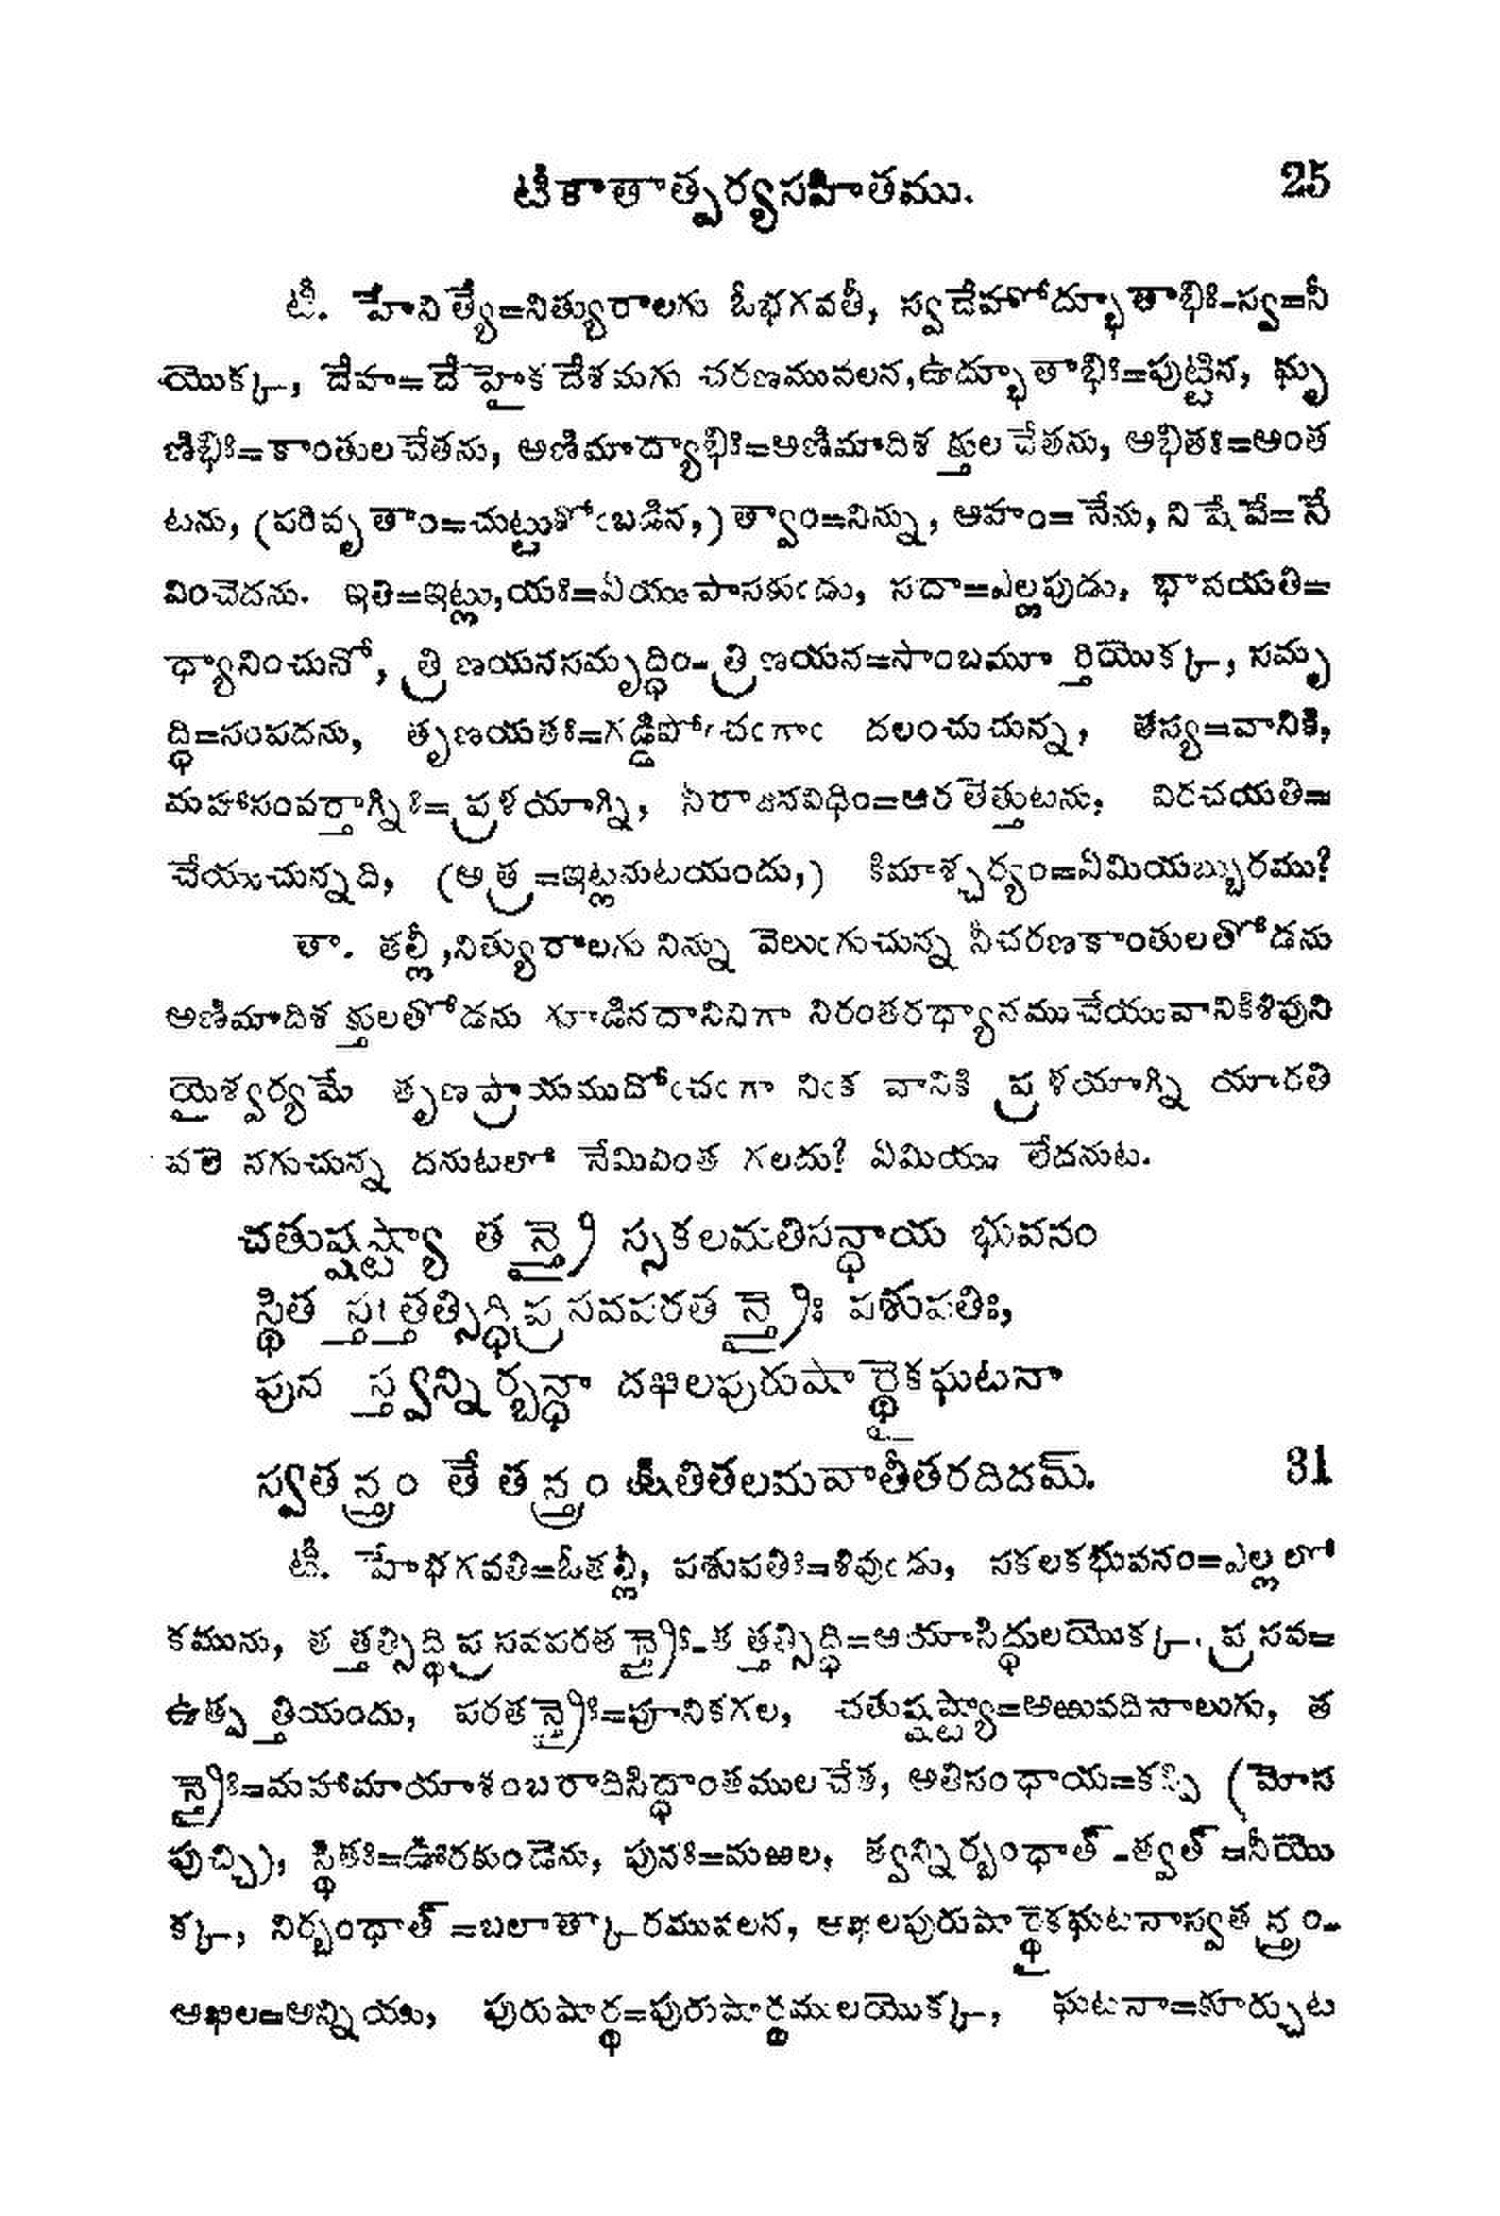టీ. హేనిత్యే = నిత్యురాలగు ఓభగవతీ, స్వదేహోద్భూతాభిః-స్వ = నీయొక్క, దేహ = దేహైకదేశమగు చరణమువలన, ఉద్భూతాభిః = పుట్టిన, ఘృణిభిః = కాంతులచేతను, అణిమాద్యాభిః = అణిమాదిశక్తులచేతను, అభితః = అంతటను, (పరివృతాం = చుట్టుకోఁబడిన) త్వాం = నిన్ను, అహం = నేను, నిషేవే = సేవించెదను, ఇతి = ఇట్లు, యః = ఏయుపాసకుఁడు, సదా = ఎల్లపుడు, భావయతి = ధ్యానించునో, త్రిణయనసమృద్ధిం-త్రిణయన = సాంబమూర్తియొక్క, సమృద్ధి = సంపదను, తృణయతః = గడ్డిపోఁచఁగాఁ దలంచుచున్న, తస్య = వానికి, మహాసంవర్తాగ్నిః = ప్రళయాగ్ని, నీరాజనవిధిం = ఆరతెత్తుటను, విరచయతి = చేయుచున్నది, (అత్ర = ఇట్లనుటయందు,) కిమాశ్చర్యం = ఏమియబ్బురము?

తా. తల్లీ, నిత్యురాలగు నిన్ను వెలుఁగుచున్న నీచరణకాంతులతోడను అణిమాదిశక్తులతోడను గూడినదానినిగా నిరంతరధ్యానముచేయువానికి శివుని యైశ్వర్యమే తృణప్రాయముదోఁచఁగా నిఁక వానికి ప్రళయాగ్ని యారతివలె నగుచున్న దనుటలో నేమివింత గలదు? ఏమియు లేదనుట.

చతుష్షష్ట్యా తన్త్రై స్సకలమతిసన్ధాయ భువనం
స్థితస్తత్తత్సిద్ధిప్రసవపరతన్త్రైః పశుపతిః,
పున స్త్వన్నిర్బన్ధా దఖిలపురుషార్థైకఘటనా
స్వతన్త్రం తే తన్త్రం క్షితితలమవాతీతరదిదమ్. 31
టీ. హేభగవతి = ఓతల్లీ, పశుపతిః = శివుఁడు, సకలభువనం = ఎల్లలోకమును, తత్తత్సిద్ధిప్రసవపరతంత్రైః-తత్తత్సిద్ధి = ఆయాసిద్ధులయొక్క, ప్రసవ = ఉత్పత్తియందు, పరతన్త్రైః = పూనికగల, చతుష్షష్ట్యా = అఱువదినాలుగు, తన్త్రైః = మహామాయాశంబరాదిసిద్ధాంతములచేత, అతిసంధాయ = కప్పి (మోసపుచ్చి), స్థితః = ఊరకుండెను, పునః = మఱల, త్వన్నిర్బంధాత్-త్వత్ = నీయొక్క, నిర్బంధాత్ = బలాత్కారమువలన, అఖిలపురుషార్థైకఘటనాస్వతంత్రం-అఖిల = అన్నియు, పురుషార్థ = పురుషార్థములయొక్క, ఘటనా = కూర్చుట